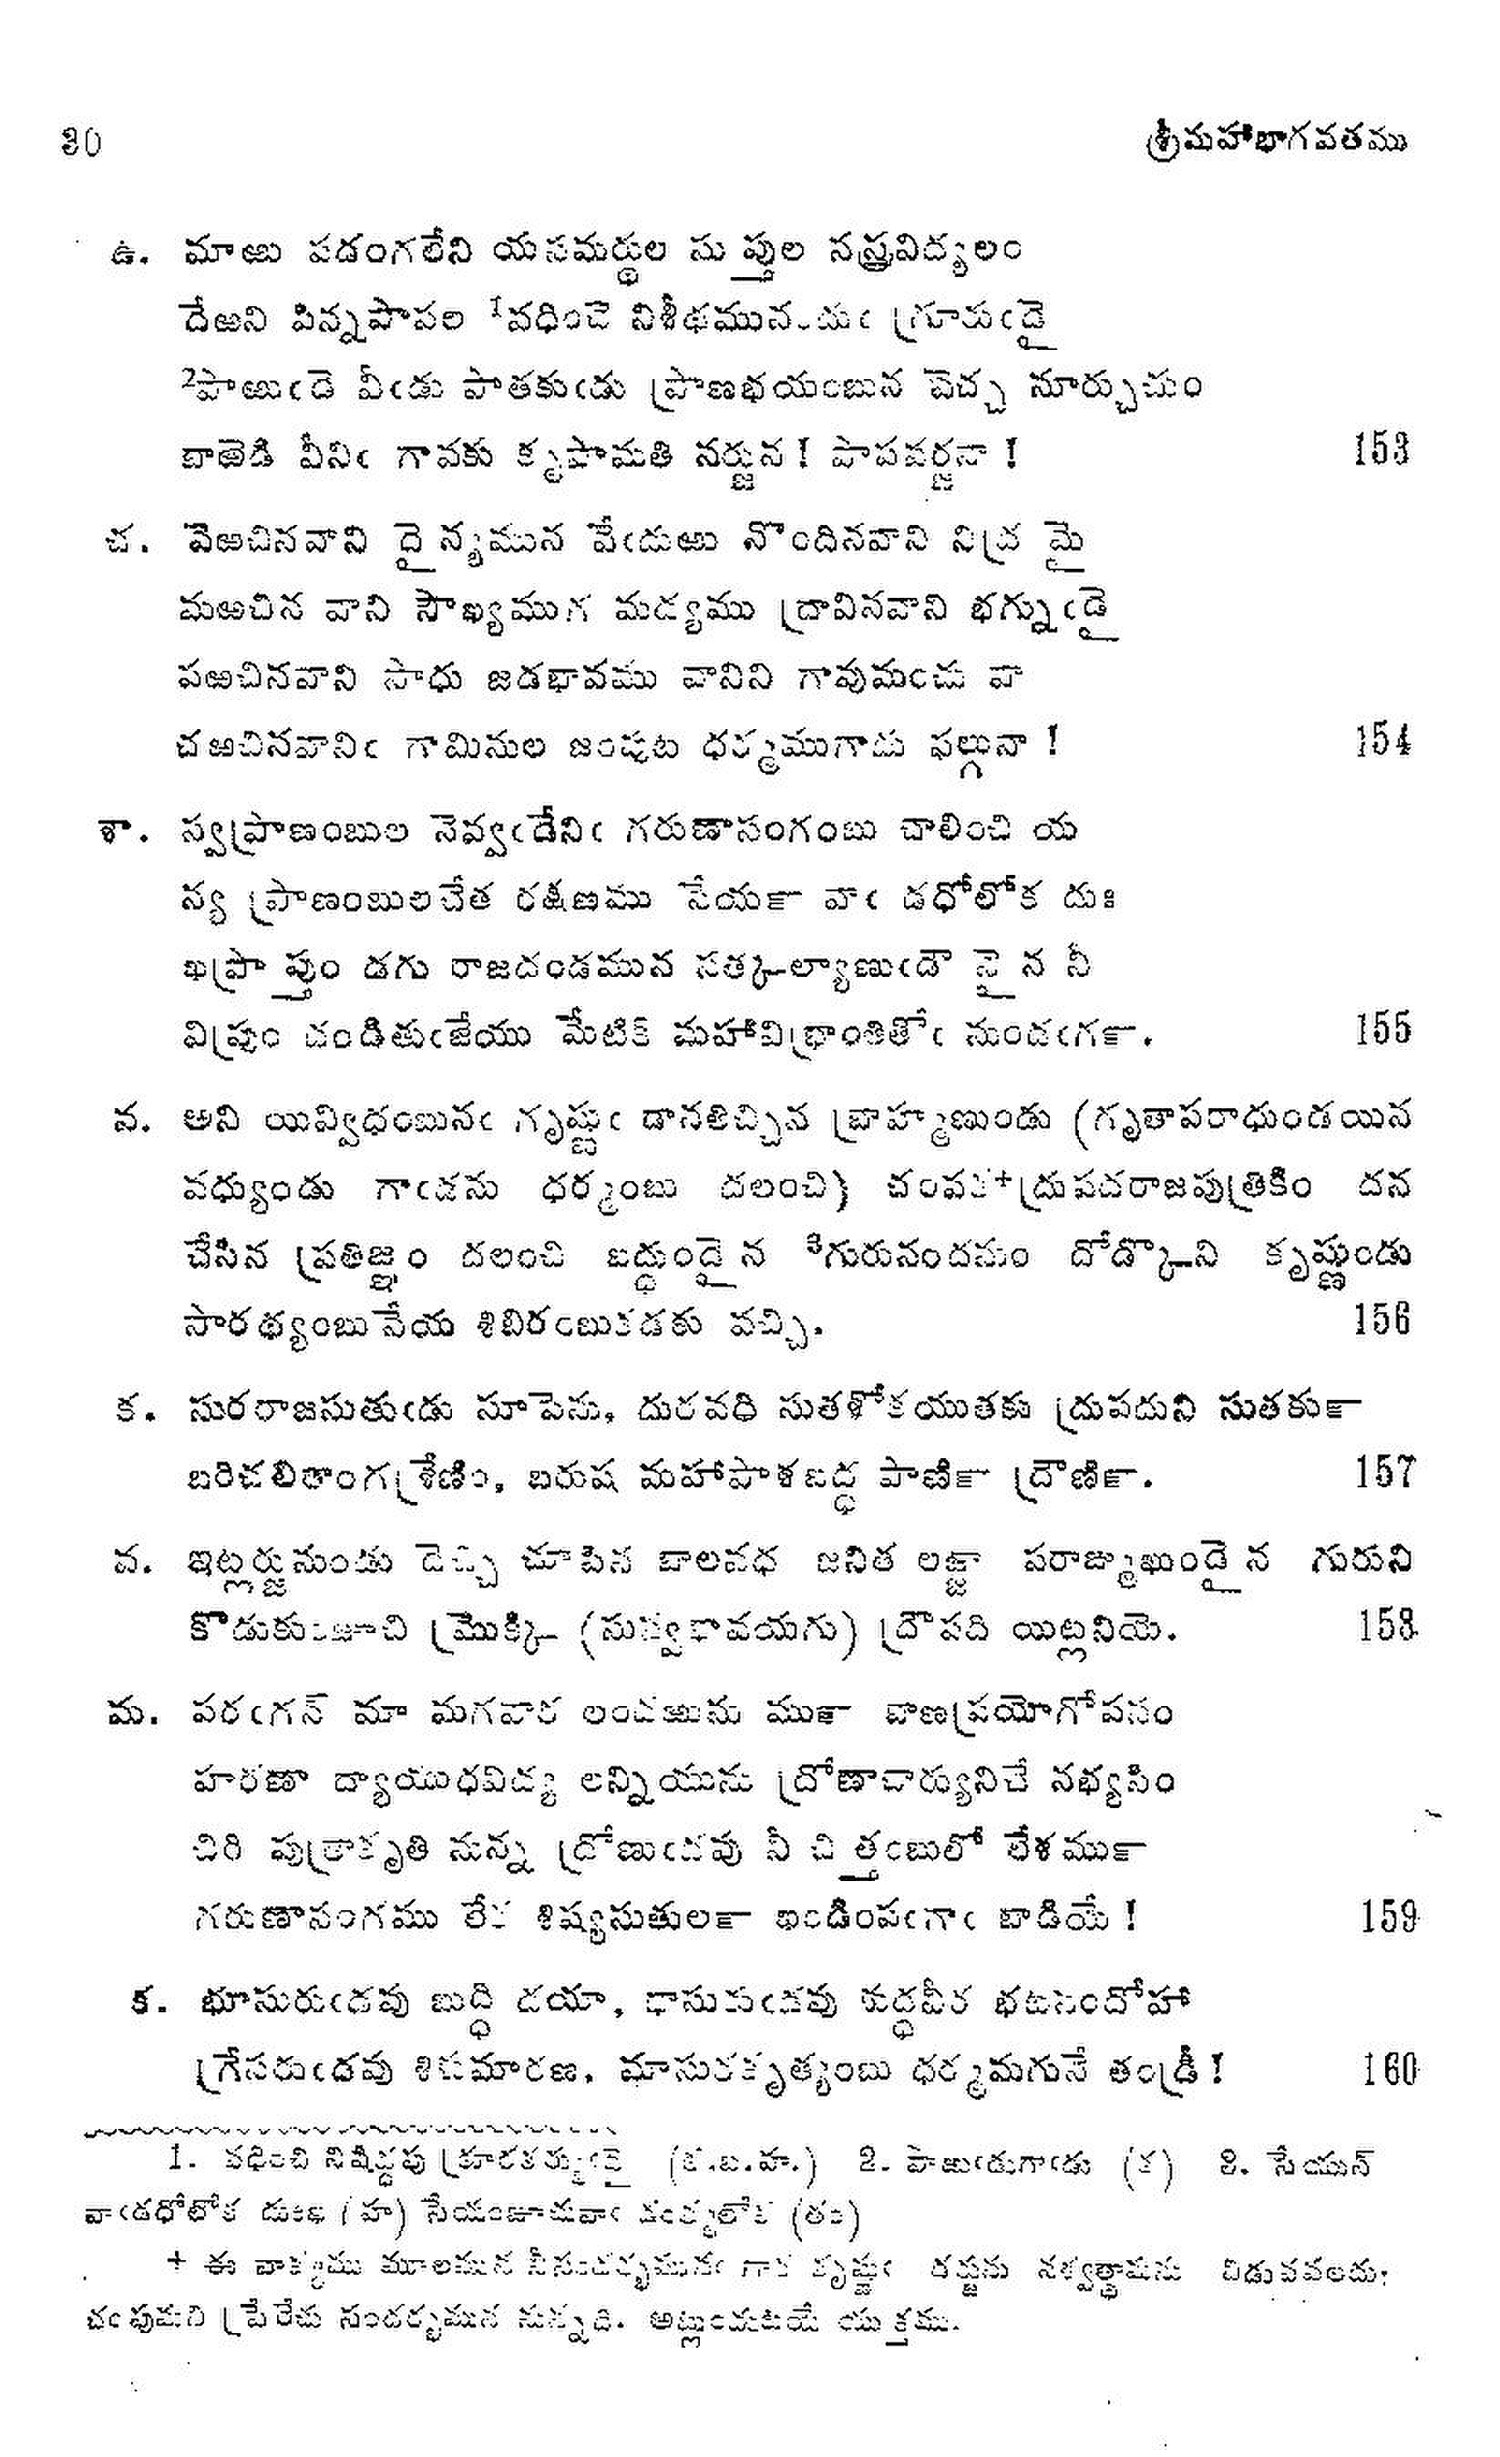30

ఉ. మాఱు పడంగలేని యసమర్థుల సుప్తుల నస్త్రవిద్యలం

దేఱని పిన్నపాఁపల వధించె నిశీథమునందుఁ గ్రూరుఁడై ;

పాఱుఁడె వీఁడు ? పాతకుఁడు ! ప్రాణభయంబున వెచ్చ నూర్చుచుం

బాఱెడి వీనిఁ గావకు కృపామతి నర్జున ! పాపవర్జనా ! (1-153)

చం. వెఱచినవాని, దైన్యమున వేఁదుఱు నొందినవాని, నిద్ర మై

మఱచినవాని, సౌఖ్యముగ మద్యముఁ ద్రావినవాని, భగ్నుఁడై

పఱచినవాని, సాధు జడభావము వానినిఁ , గావుమంచు వా

చఱచినవానిఁ , గామినులఁ జంపుట ధర్మము గాదు ఫల్గునా ! (1-154)

శా. స్వప్రాణంబుల నెవ్వఁడేనిఁ గరుణా సంగంబు సాలించి య

న్య ప్రాణంబులచేత రక్షణము సేయున్, వాఁ డధోలోక దు:

ఖ ప్రాప్తుండగు ; రాజదండమున సత్కల్యాణుఁ డౌ నైన నీ

విప్రున్ దండితుఁ జేయుమేటికి మహా విభ్రాంతితో నుండఁగన్ ? (1-155)

వ. అని యివ్విధంబునఁ గృష్ణుఁ డానతిచ్చిన బ్రాహ్మణుండు (కృతాపరాధుండైనను) వధ్యుండు గాఁడను ధర్మంబుఁ దలఁచి చంపక ద్రుపదరాజ పుత్త్రికిఁ దన చేసిన ప్రతిజ్ఞం దలంచి బద్ధుండైన గురునందనుం దోడ్కొని కృష్ణుండు సారథ్యంబు సేయ శిబిరంబు కడకు వచ్చి, (1-156)

కం. సురరాజ సుతుఁడు సూపెను, దురవధి సుతశోక యుతకు ద్రుపదుని సుతకున్

బరిచలితాంగ శ్రేణిం, బరుష మహాపాశ బద్ధ పాణిన్ ద్రౌణిన్. (1-157)

వ. ఇట్లర్జునుండు తెచ్చి చూపిన బాలవధజనిత లజ్జాపరాఙ్ముఖుండైన గురుని కొడుకుం జూచి మ్రొక్కి (సుస్వభావ) యగు ద్రౌపది యిట్లనియె. (1-158)

మ. పరఁగన్ మా మగవారలందఱును మున్ బాణ ప్రయోగోప సం

హరణాద్యాయుధ విద్యలన్నియును ద్రోణాచార్యుచే నభ్యసిం

చిరి ; పుత్త్రాకృతి నున్న ద్రోణుఁడవు ; నీ చిత్తంబులో లేశమున్

గరుణాసంగము లేక శిష్యసుతులన్ ఖండింపఁగాఁ బాడియే ? (1-159)

కం. భూసురుఁడవు బుద్ధి దయా, భాసురుఁడవు శుద్ధవీర భట సందోహా

గ్రేసరుఁడవు శిశుమారణ, మాసుర కృత్యంబు ధర్మమగునే తండ్రీ ! (1-160)